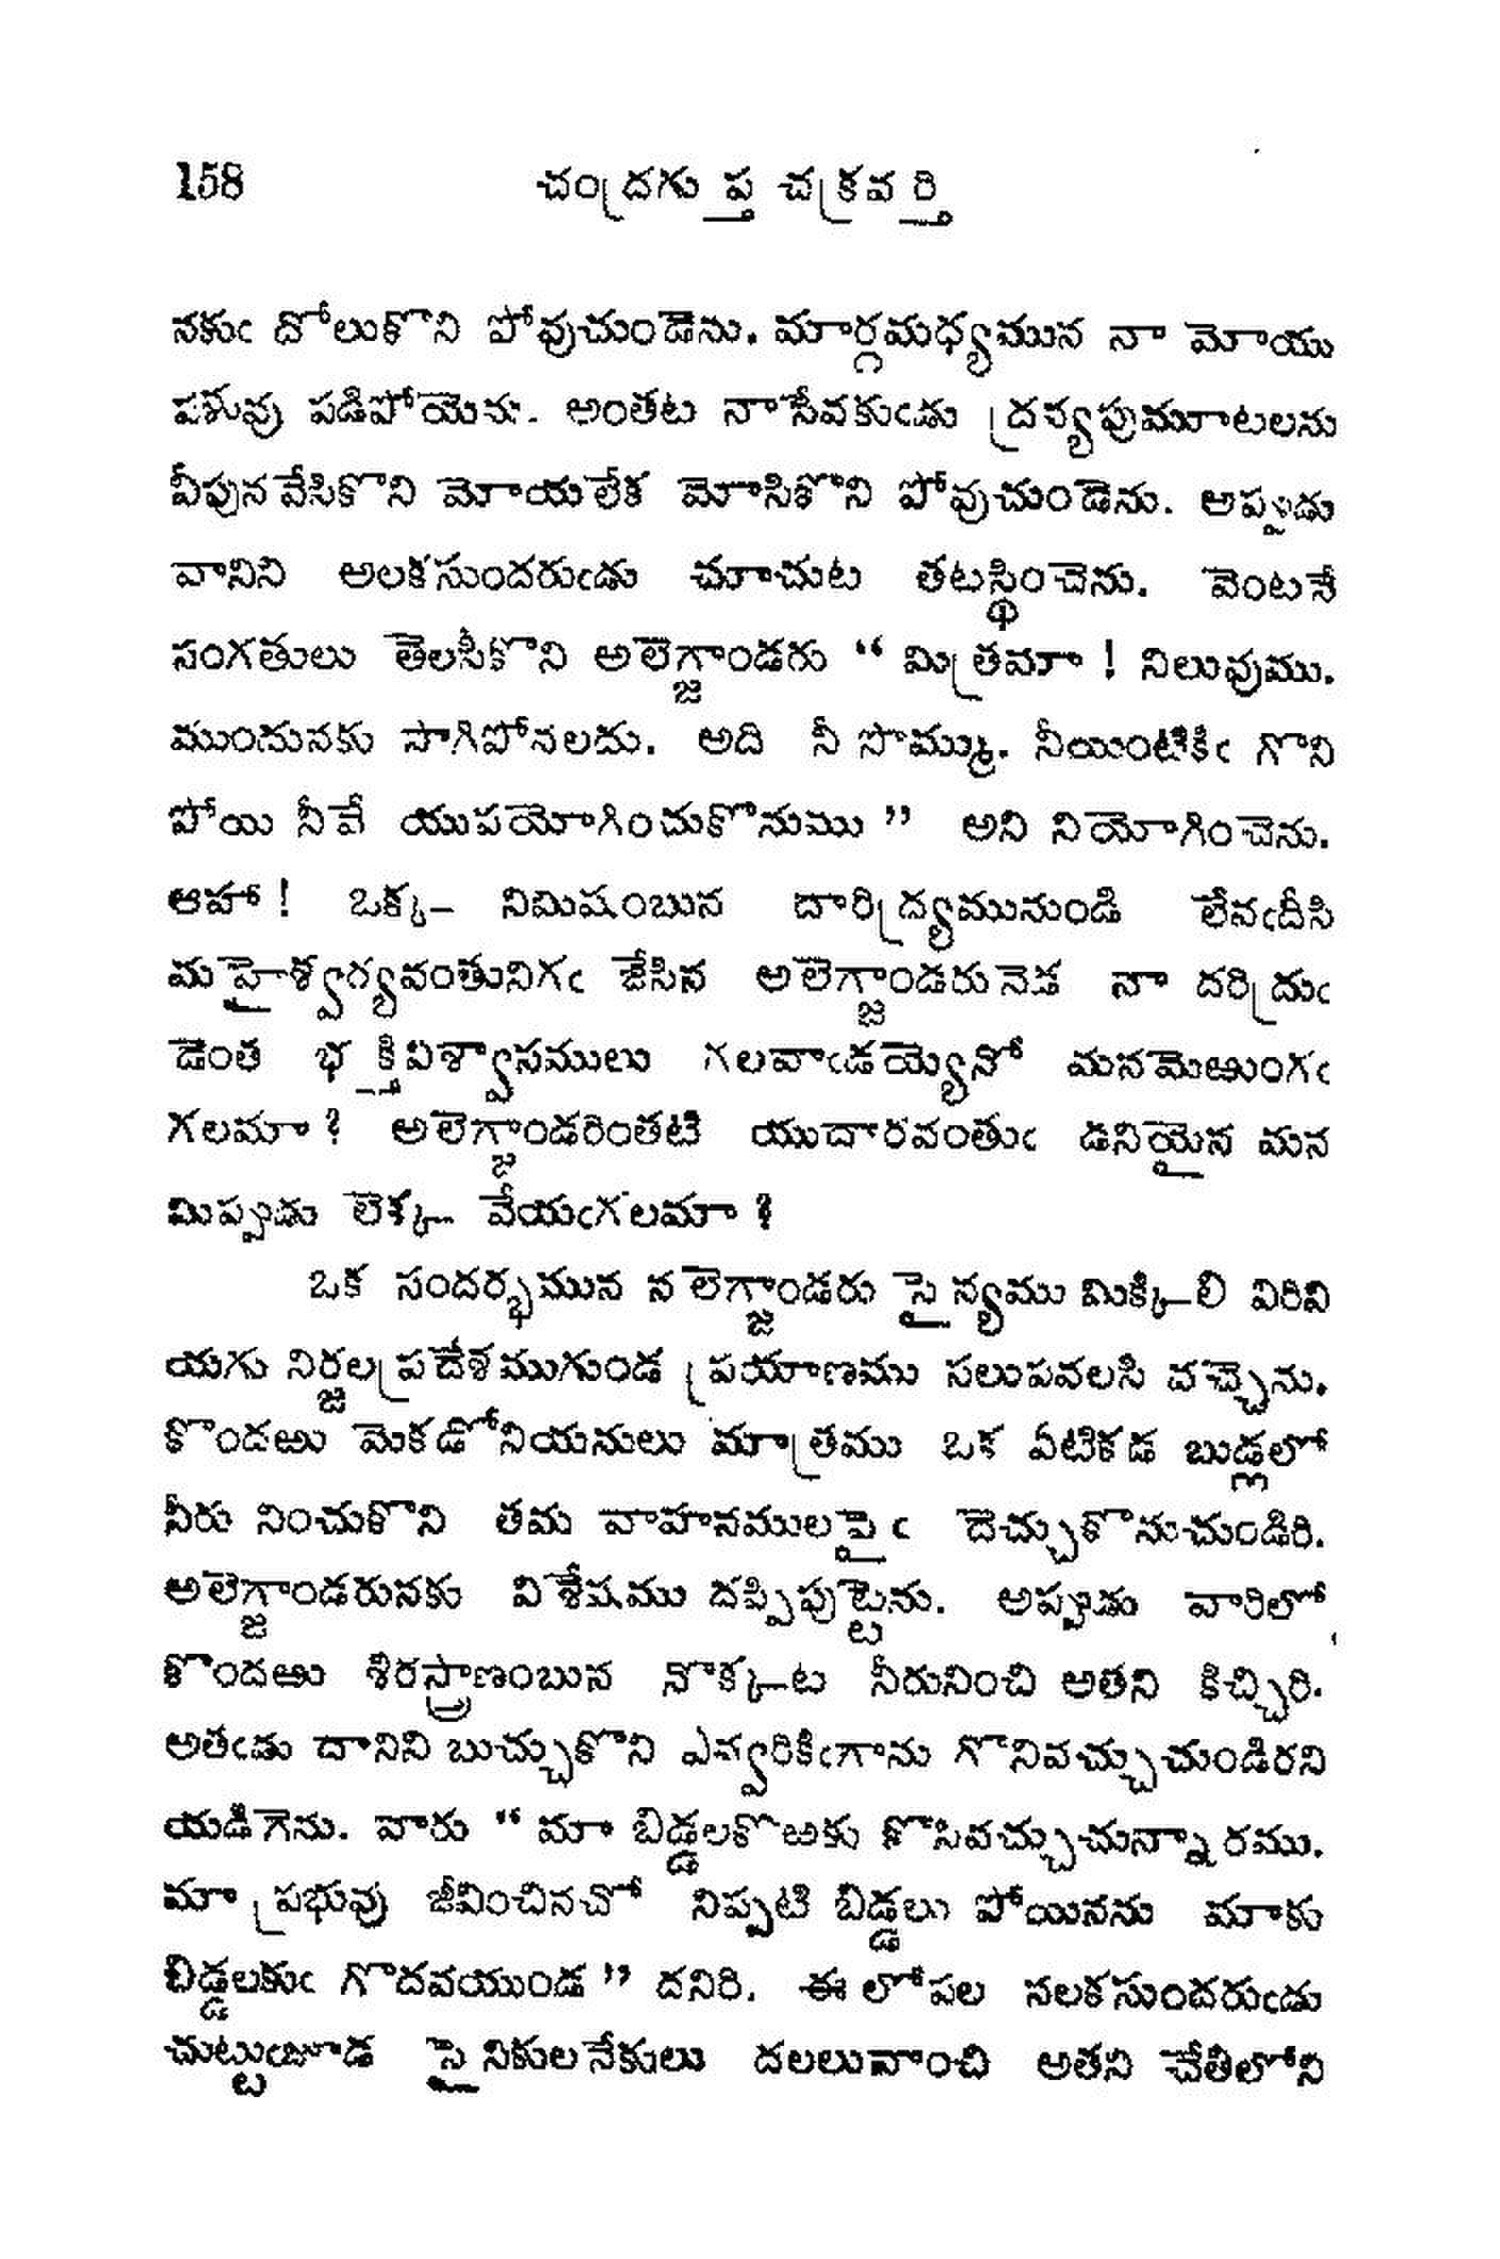నకుఁ దోలుకొని పోవుచుండెను. మార్గమధ్యమున నా మోయు పశువు పడిపోయెను. అంతట నాసేవకుఁడు ద్రవ్యపుమూటలను వీపునవేసికొని మోయలేక మోసికొని పోవుచుండెను. అప్పుడు వానిని అలకసుందరుఁడు చూచుట తటస్థించెను. వెంటనే సంగతులు తెలసికొని అలెగ్జాండరు "మిత్రమా! నిలువుము. ముందునకు సాగిపోవలదు. అది నీ సొమ్ము. నీయింటికిఁ గొనిపోయి నీవే యుపయోగించుకొనుము" అని నియోగించెను. ఆహా ! ఒక్క నిమిషంబున దారిద్ర్యమునుండి లేవఁదీసి మహైశ్వర్యవంతునిగఁ జేసిన అలెగ్జాండరునెడ నా దరిద్రుఁ డెంత భక్తివిశ్వాసములు గలవాఁడయ్యెనో మనమెఱుంగఁ గలమా? అలెగ్జాండరింతటి యుదారవంతుఁ డనియైన మన మిప్పుడు లెక్క వేయఁగలమా?

ఒక సందర్భమున నలెగ్జాండరు సైన్యము మిక్కిలి విరివియగు నిర్జలప్రదేశముగుండ ప్రయాణము సలుపవలసి వచ్చెను. కొందఱు మెకడోనియనులు మాత్రము ఒక ఏటికడ బుడ్లలో నీరు నించుకొని తమ వాహనములపైఁ దెచ్చుకొనుచుండిరి. అలెగ్జాండరునకు విశేషము దప్పిపుట్టెను. అప్పుడు వారిలో కొందఱు శిరస్త్రాణంబున నొక్కట నీరునించి అతని కిచ్చిరి. అతఁడు దానిని బుచ్చుకొని ఎవ్వరికిఁగాను గొనివచ్చుచుండిరని యడిగెను. వారు "మా బిడ్డలకొఱకు కొనివచ్చుచున్నారము. మా ప్రభువు జీవించినచో నిప్పటి బిడ్డలు పోయినను మాకు బిడ్డలకుఁ గొదవయుండ" దనిరి. ఈ లోపల నలకసుందరుఁడు చుట్టుఁజూడ సైనికులనేకులు దలలువాంచి అతని చేతిలోని